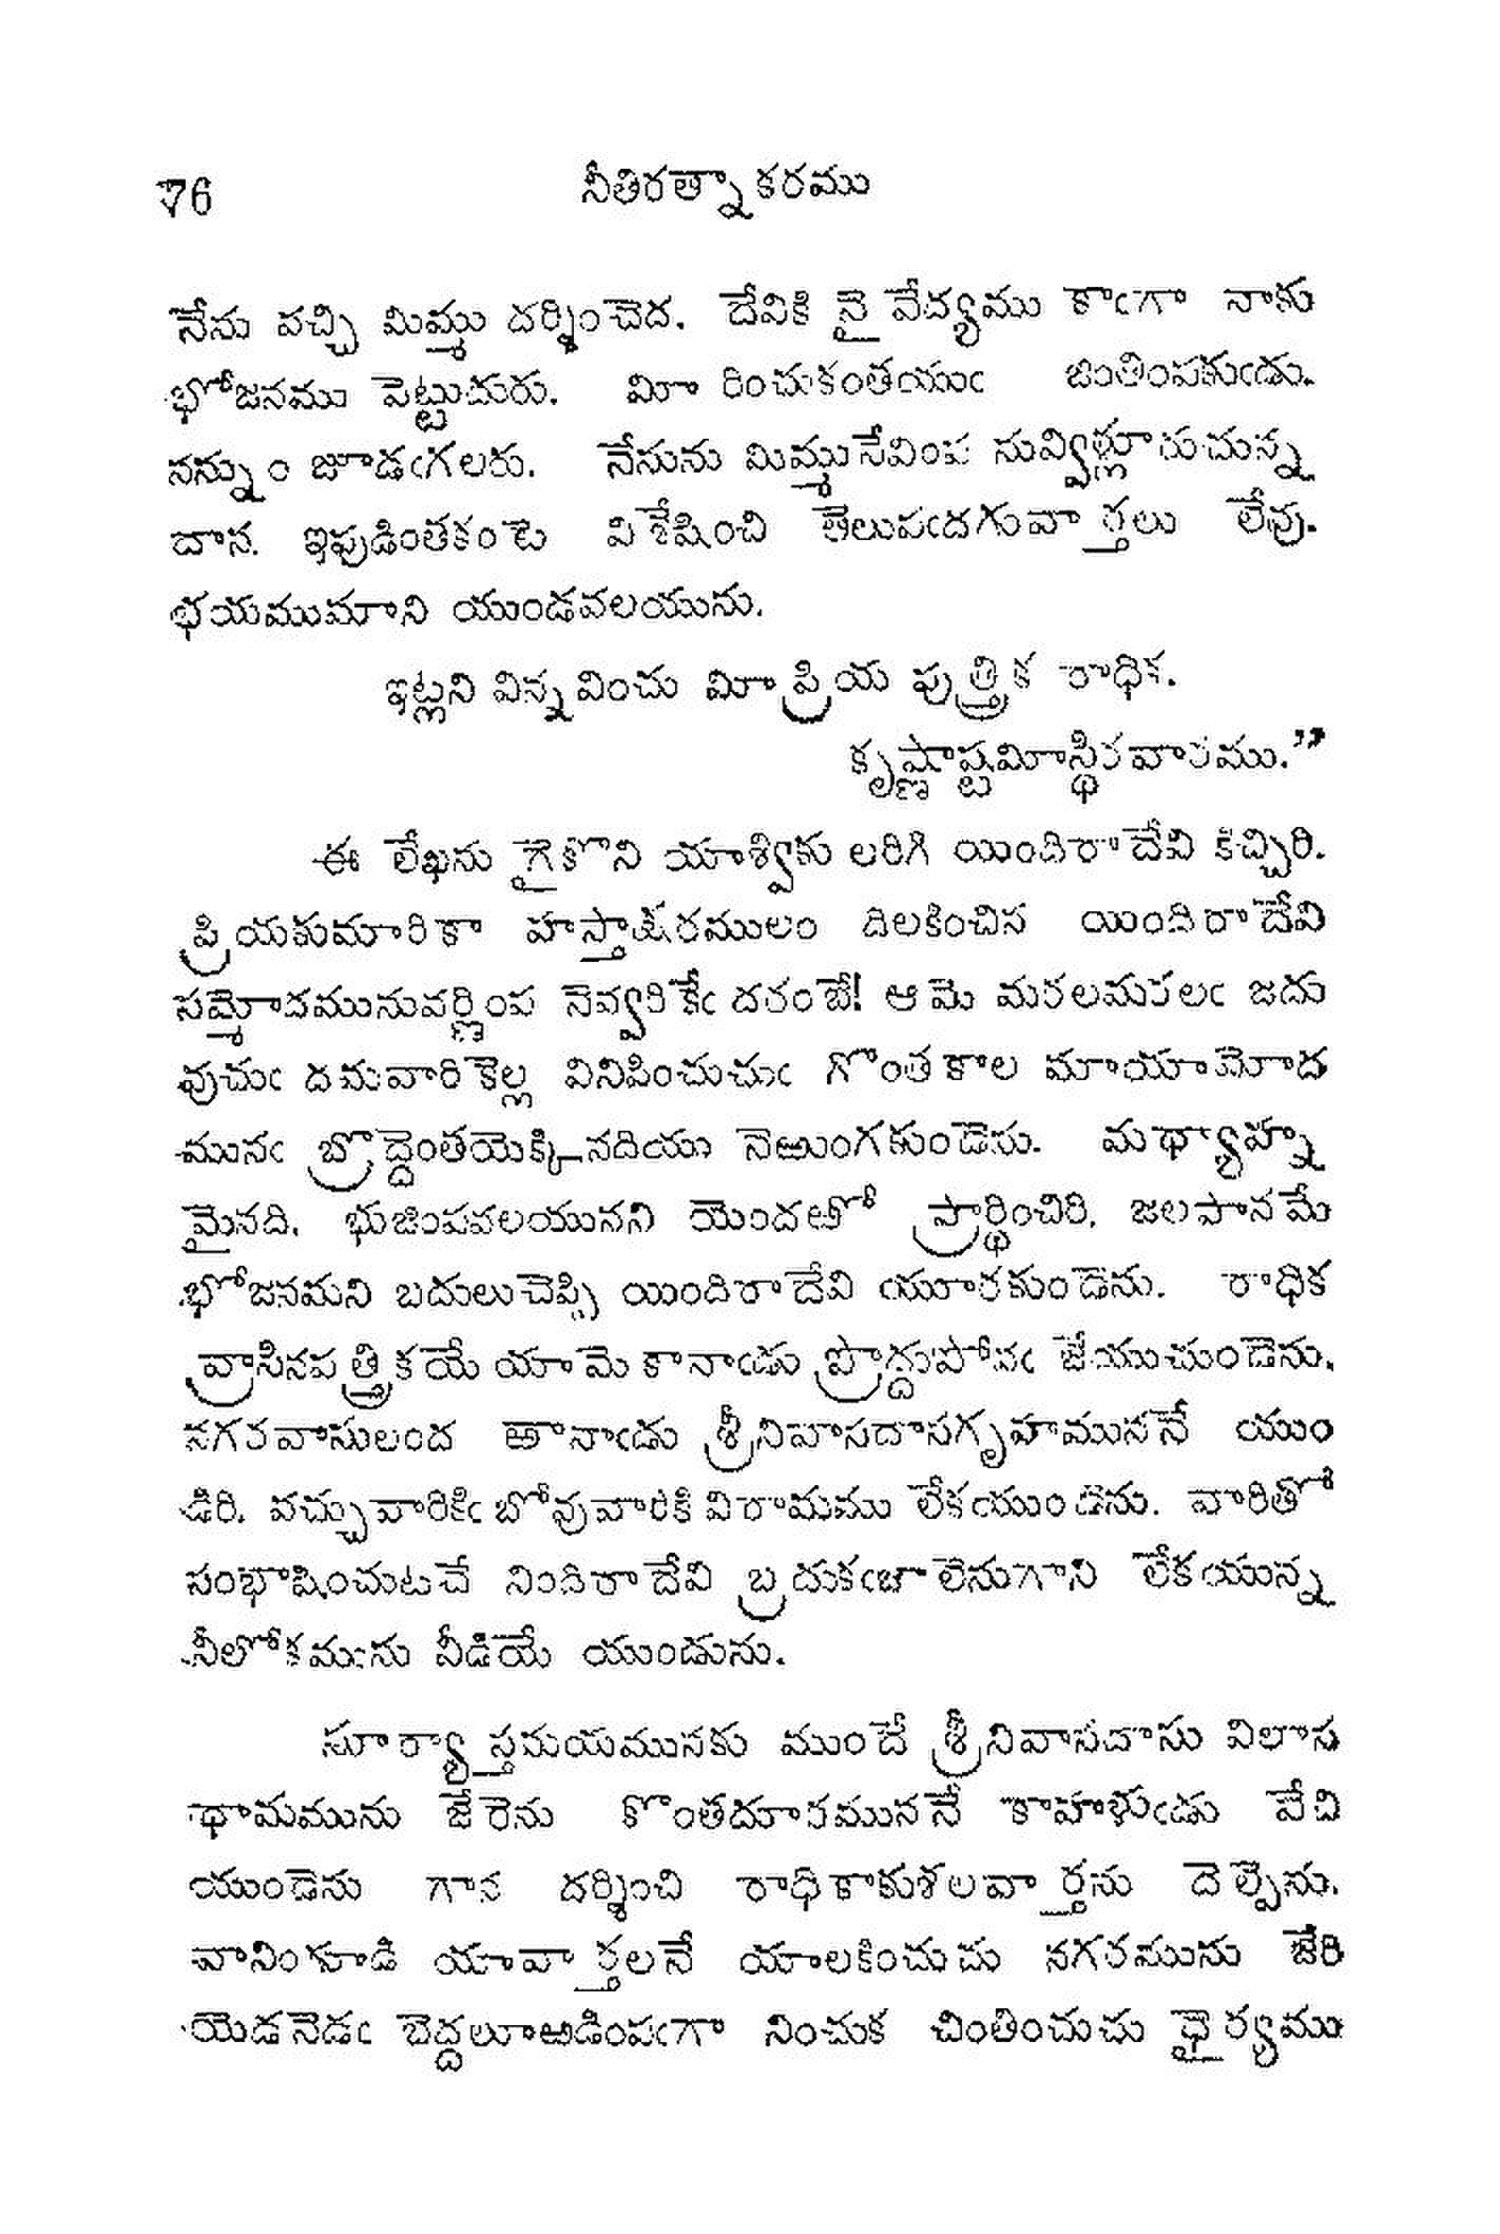నేను వచ్చి మీము దర్శించెద, దేవికి నైవేద్యము కాఁగా నాకు భోజనము పెట్టుదురు. మీ రించు కంతయుఁ జింతింపకుఁడు. నన్నుం జూడఁగలరు. నేనును మిమ్ము సేవింప నువ్విళ్లూరు చున్న దాన. ఇపుడింతకంటే విశేషించి తెలుపుదగు వార్తలు లేవు. భయముమాని యుండవలయును. 

ఇట్లని విన్న వించు మీ ప్రియ పుత్రిక రాధిక.
కృష్ణాష్టమి స్థిరవారము.” 

ఈ లేఖను గైకొని యాశ్వికు లరిగి యిందిరా దేవి కిచ్చిరి. ప్రియకుమారికా హస్తాక్షరములం దిలకించిన యిందిరాదేవి సమ్మోదమునువర్ణింప నెవ్వకి కేఁ దరంబే! ఆమె మరలమరలఁ జదు వుచుఁ దమవారి కెల్ల వినిపించుచుఁ గొంత కాల మాయా మోద మునఁ బ్రోద్దెంతయెక్కి నదియు నెఱుంగకుండెను. మధ్యాహ్న మైనది. భుజింపవలయునని యెందఱో ప్రార్థించిరి, జలపానమే భోజనమని బదులు చెప్పి యిందిరా దేవి యూరకుండెను. రాధిక వ్రాసినపత్రికయే యామె కానాడు ప్రొద్దుపోవఁ జేయుచుండెను. నగరవాసులంద ఱానాఁడు శ్రీనివాసదాసగృహముననే యుం డిరి. వచ్చువారికిఁ బోవువారికి విరామము లేకయుం డెను. వారితో సంభాషించుటచే నిందిరా దేవి బ్రదుకఁజా లేనుగాని లేక యున్న నీలో కమును వీడి యే యుండును.

సూర్యాస్తమయమునకు ముందే శ్రీనివాసదాసు విలాస ధామమును జేరెను కొంతదూరముననే "కాహళుఁడు వేచి యుండెను గాన దర్శించి రాధికా కుశలవార్తను దెల్పెను. వానిం గూడి యావార్తలనే యాలకించుచు నగరమును జేరి యెడ నెడఁ బెద్దలూ ఱడింపఁగా నించుక చింతించుచు ధైర్యము